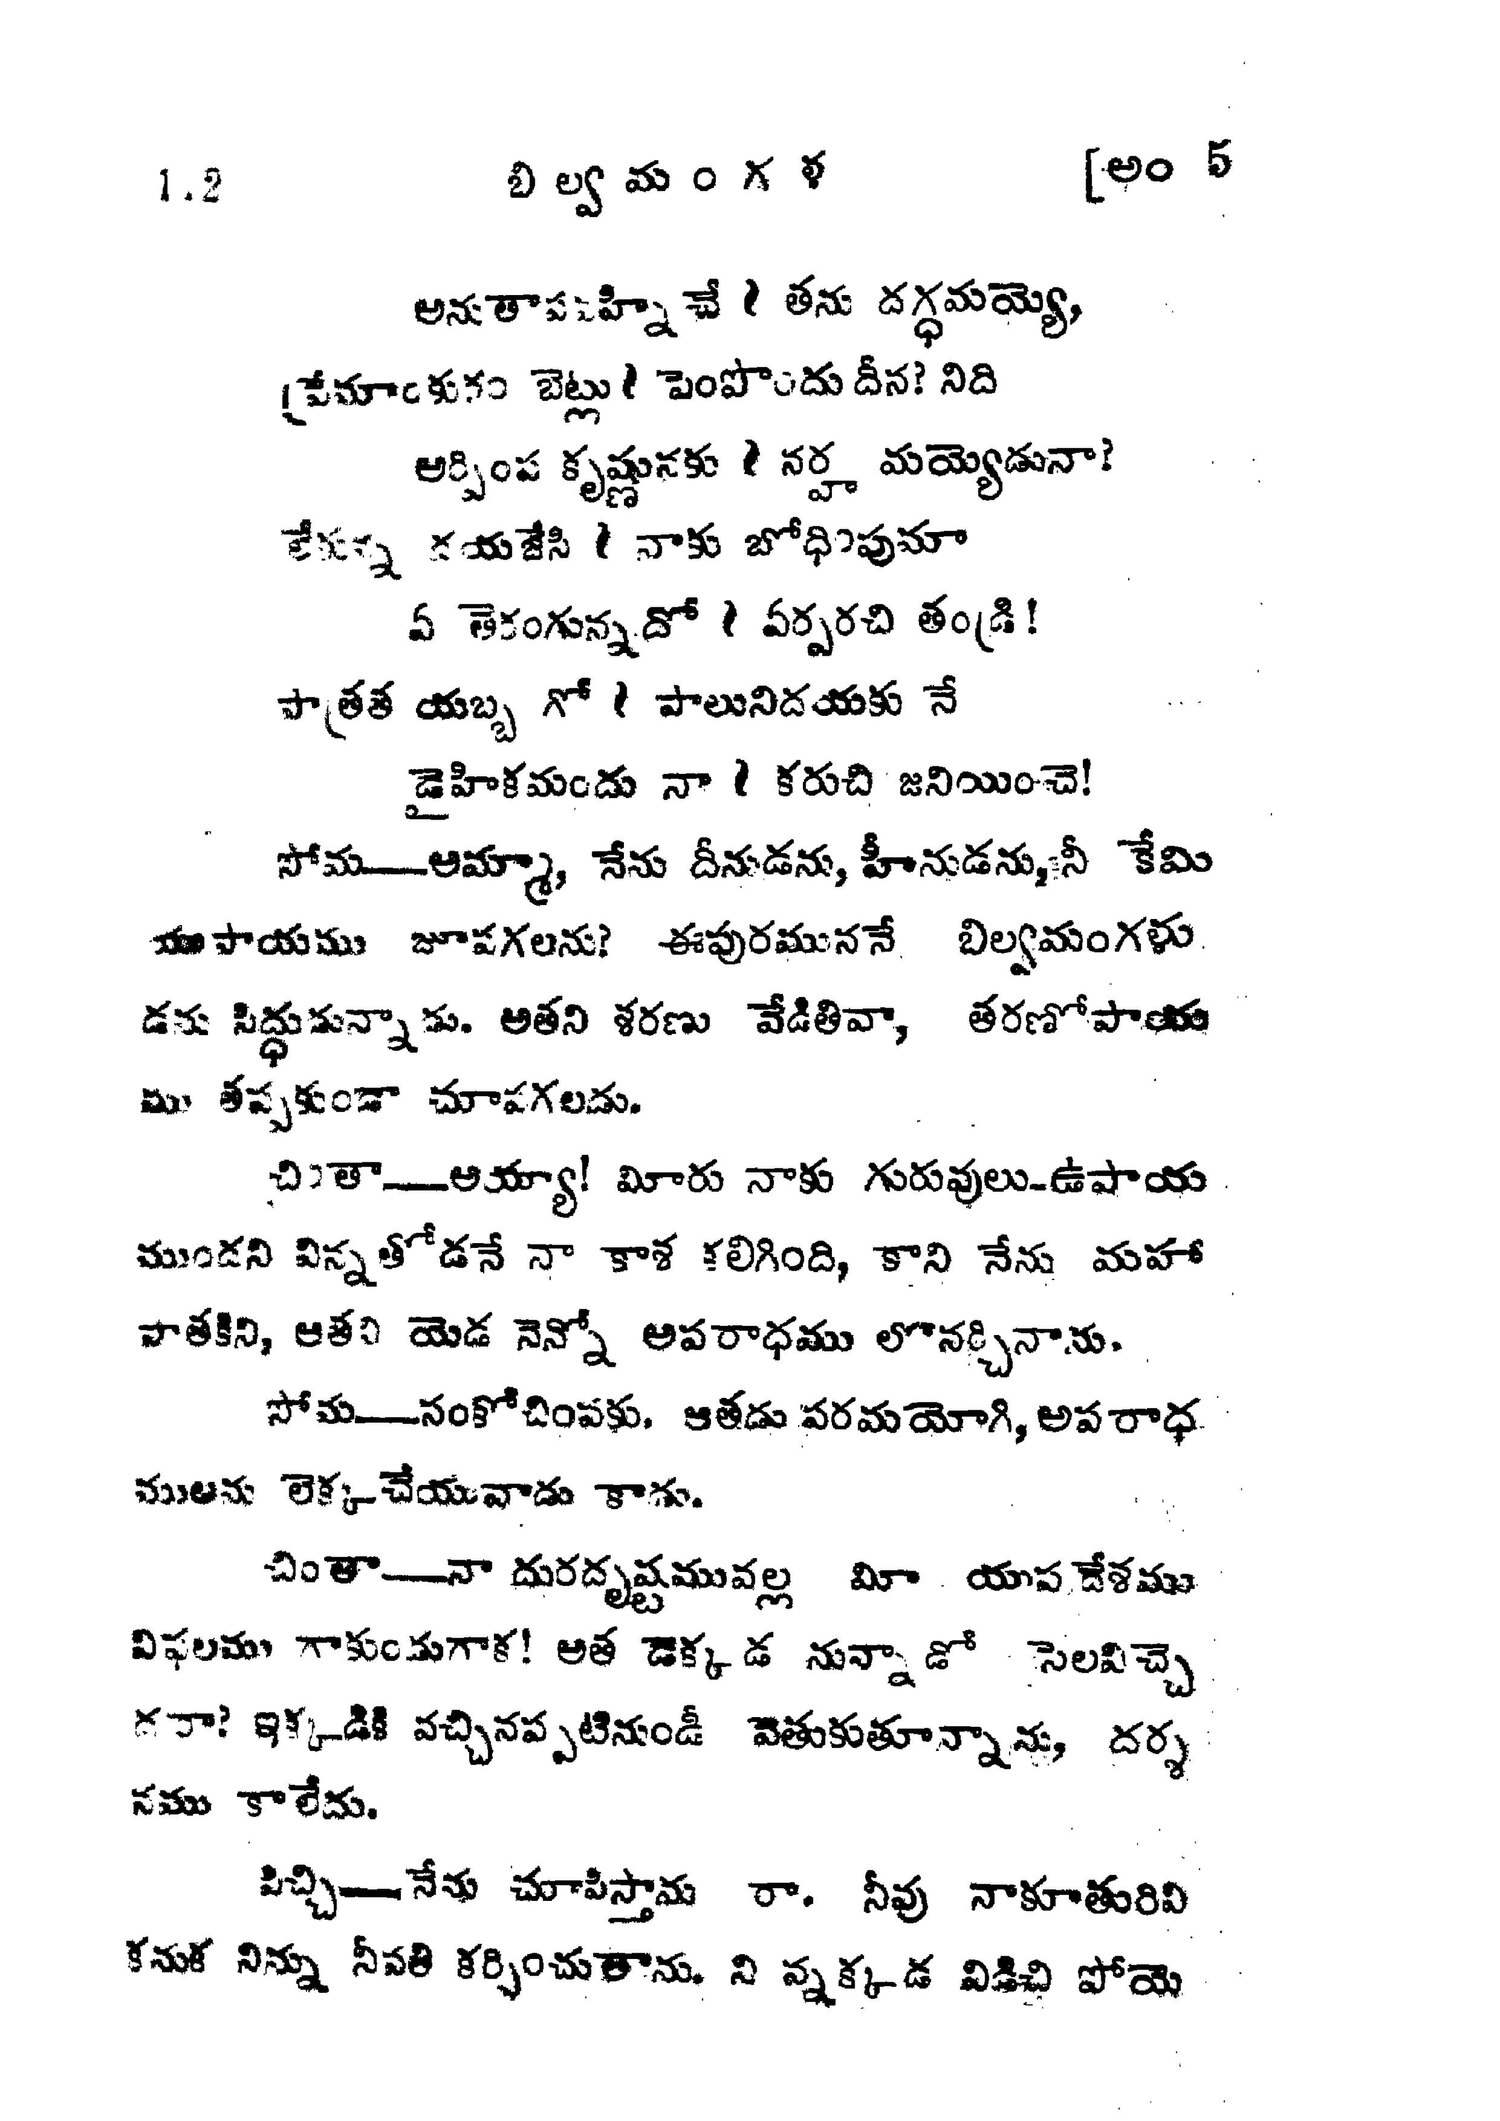అనుతాపవహ్నిచే ♦ తను దగ్ధమయ్యె,
 ప్రేమాంకురం బెట్లు ♦ పెంపొందుదీన? నిది
 ఆర్పింప కృష్ణునకు ♦ నర్హ మయ్యెడునా?
 లేకున్న దయజేసి ♦ నాకు బోధింపుమా
 ఏ తెరంగున్నదో ♦ ఏర్పరచి తండ్రి!
 పాత్రత యబ్బ గో ♦ పాలునిదయకు నే
 డైహికమందు నా ♦ కరుచి జనియించె!

సోమ - అమ్మా, నేను దీనుడను, హీనుడను, నీ కేమి యుపాయము జూపగలను? ఈపురముననే బిల్వమంగళుడను సిద్ధుడున్నాడు. అతని శరణు వేడితివా, తరణోపాయము తప్పకుండా చూపగలడు.

చింతా - అయ్యా! మీరు నాకు గురువులు-ఉపాయముందని విన్నతోడనే నా కాశ కలిగింది, కాని నేను మహా పాతకిని, ఆతని యెడ నెన్నో అపరాధము లొనర్చినాను.

సోమ - సంకోచింపకు. ఆతడు పరమయోగి, అపరాధములను లెక్కచేయువాడు కాడు.

చింతా - నా దురదృష్టమువల్ల మీ యుపదేశము విఫలము గాకుండుగాక! ఆత డెక్కడ నున్నాడో సెలవిచ్చెదరా? ఇక్కడికి వచ్చినప్పటినుండీ వెతుకుతూన్నాను, దర్శనము కాలేదు.

పిచ్చి - నేను చూపిస్తాను రా. నీవు నాకూతురివి కనుక నిన్ను నీపతి కర్పించుతాను. ని న్నక్కడ విడిచి పోయె